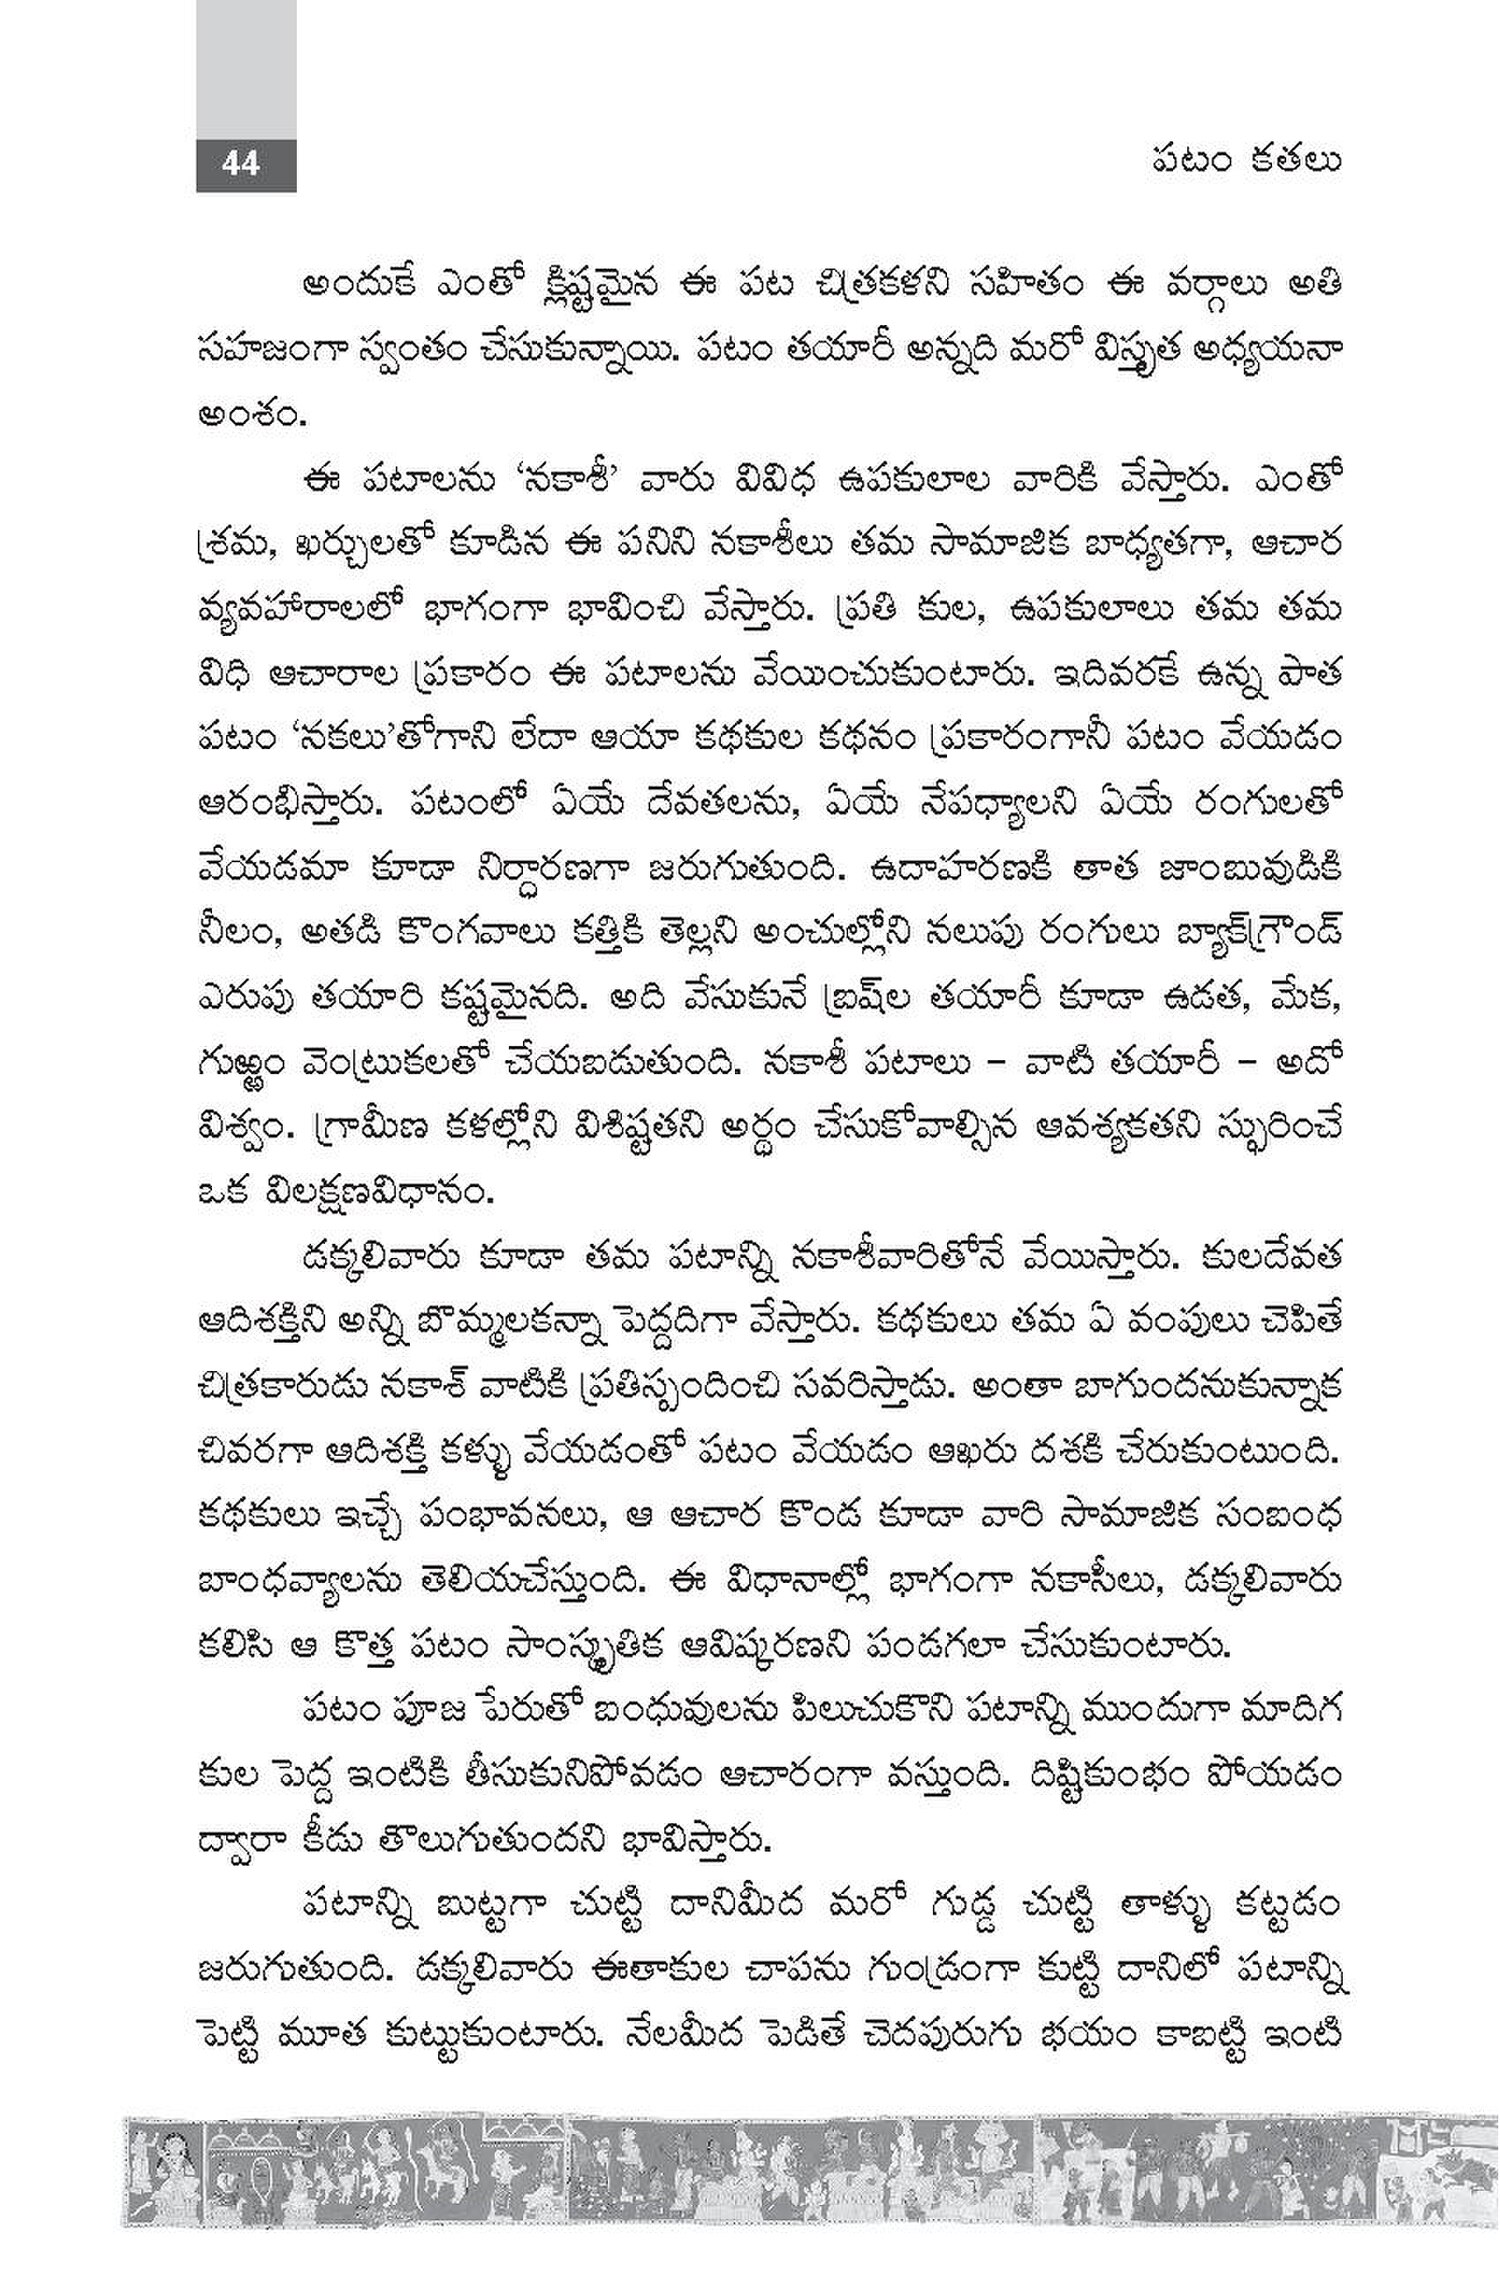అందుకే ఎంతో క్లిష్టమైన ఈ పట చిత్రకళని సహితం ఈ వర్గాలు అతి సహజంగా స్వంతం చేసుకున్నాయి. పటం తయారీ అన్నది మరో విస్తృత అధ్యయనా అంశం.

ఈ పటాలను 'నకాశీ' వారు వివిధ ఉపకులాల వారికి వేస్తారు. ఎంతో శ్రమ, ఖర్చులతో కూడిన ఈ పనిని నకాశీలు తమ సామాజిక బాధ్యతగా, ఆచార వ్యవహారాలలో భాగంగా భావించి వేస్తారు. ప్రతి కుల, ఉపకులాలు తమ తమ విధి ఆచారాల ప్రకారం ఈ పటాలను వేయించుకుంటారు. ఇదివరకే ఉన్న పాత పటం 'నకలు'తోగాని లేదా ఆయా కథకుల కథనం ప్రకారంగానీ పటం వేయడం ఆరంభిస్తారు. పటంలో ఏయే దేవతలను, ఏయే నేపధ్యాలని ఏయే రంగులతో
వేయదమా కూడా నిర్ధారణగా జరుగుతుంది. ఉదాహరణకి తాత జాంబువుడికి నీలం, అతడి కొంగవాలు కత్తికి తెల్లని అంచుల్లోని నలుపు రంగులు బ్యాక్ గ్రౌండ్ ఎరువు తయారీ కష్టమైనది. అది వేసుకునే బ్రష్ ల తయారీ కూడా ఉడత, మేక, గుఱ్ఱం వెంట్రుకలతో చేయబడుతుంది. నకాశీ పటాలు వాటి తయారీ - అదో విశ్వం. గ్రామీణ కళల్లోని విశిష్టతని అర్ధం చేసుకోవాల్సిన ఆవశ్యకతని స్ఫురించే ఒక విలక్షణవిధానం.

డక్కలివారు కూడా తమ పటాన్ని నకాశీవారితోనే వేయిస్తారు. కులదేవత ఆదిశక్తిని అన్ని బొమ్మలకన్నా పెద్దదిగా వేస్తారు. కథకులు తమ ఏ వంపులు చెపితే చిత్రకారుడు నకాశ్ వాటికి ప్రతిస్పందించి సవరిస్తాడు. అంతా బాగుందనుకున్నాక
చివరగా ఆదిశక్తి కళ్ళు వేయడంతో పటం వేయడం ఆఖరు దశకి చేరుకుంటుంది. కథకులు ఇచ్చే సంభావనలు, ఆ ఆచార కొండ కూడా వారి సామాజిక సంబంధ బాంధవ్యాలను తెలియచేస్తుంది. ఈ విధానాల్లో భాగంగా నకాసీలు, డక్కలివారు కలిసి ఆ కొత్త పటం సాంస్కృతిక ఆవిష్కరణని పండగలా చేసుకుంటారు. 

పటం పూజ పేరుతో బంధువులను పిలుచుకొని పటాన్ని ముందుగా మాదిగ కుల పెద్ద ఇంటికి తీసుకునిపోవడం ఆచారంగా వస్తుంది. దిష్టికుంభం పోయడం ద్వారా కీడు తొలుగుతుందని భావిస్తారు.

పటాన్ని బుట్టగా చుట్టి దానిమీద మరో గుడ్డ చుట్టి తాళ్ళు కట్టడం జరుగుతుంది. దక్కలివారు ఈతాకుల చాపను గుండ్రంగా కుట్టి దానిలో పటాన్ని పెట్టి మూత కుట్టుకుంటారు. నేలమీద పెడితే చెదపురుగు భయం కాబట్టి ఇంటి